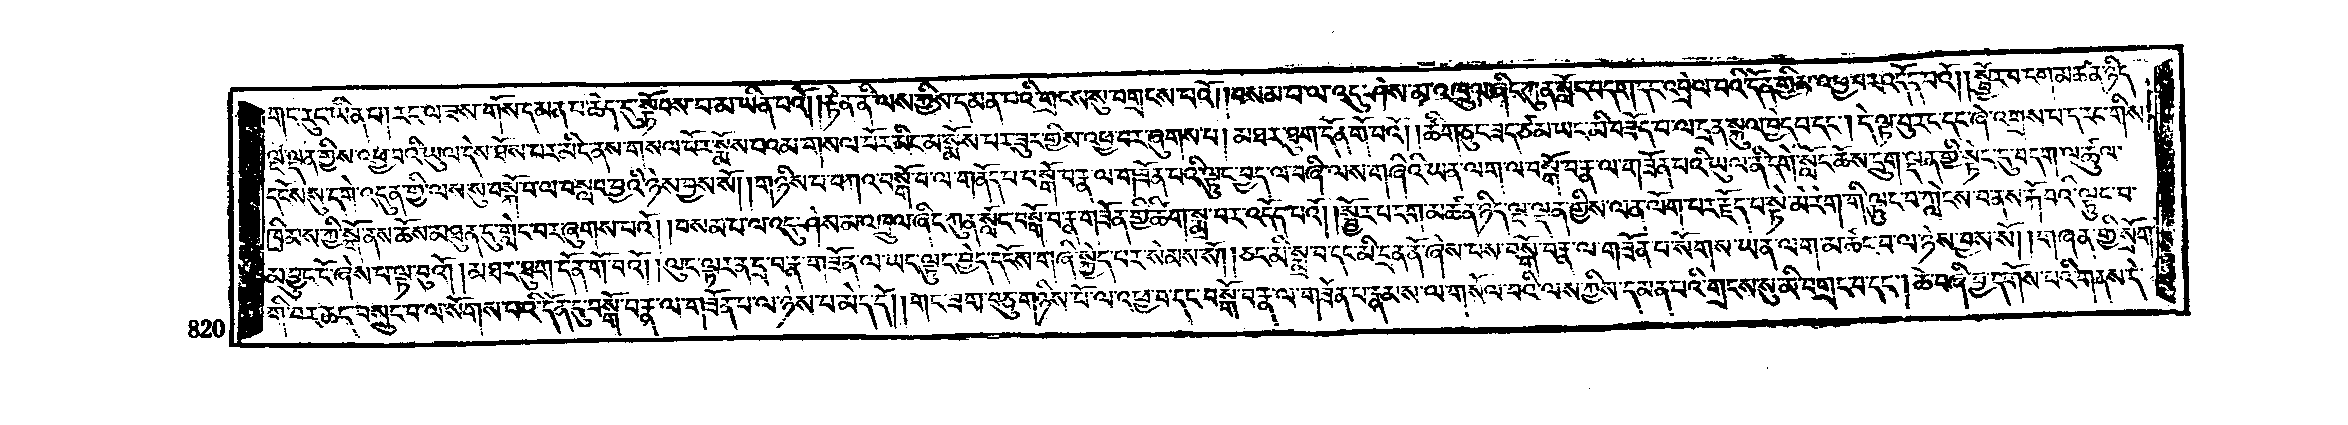གང་རུང་ཡིན་པ། རང་ལ་ཟས་གོས་དམན་པ་ཆེད་དུ་སྟོབས་པ་མ་ཡིན་པའོ། །རྟེན་ནི་ལས་ཀྱིས་དམན་པའི་གྲངས་སུ་བགྲངས་པའོ། །བསམ་པ་ལ་འདུ་ཤེས་མ་འཁྲུལ་ཞིང་ཀུན་སློང་བདག་དང་འབྲེལ་བའི་དོན་གྱིས་འཕྱ་བར་འདོད་པའོ། །སྦྱོར་བ་དག་མཚན་ཉིད་
ལྔ་ལྡན་གྱིས་འཕྱ་བའི་ཡུལ་དེས་ཐོས་པར་མིང་ནས་གསལ་པོར་སྨོས་པའམ་གསལ་པོར་མིང་མ་སྨོས་པར་ཟུར་གྱིས་འཕྱ་བར་ཞུགས་པ། མཐར་ཐུག་དོན་གོ་བའོ། །ཚིག་ཅུང་ཟད་ཙམ་ཡང་མི་བཟོད་པ་ལ་དྲན་སྐུལ་བྱེད་པ་དང་། དེ་ལྟ་བུ་རང་དང་ཞེ་འགྲས་པ་ད་རང་གིས་
དངོས་སུ་དགེ་འདུན་གྱི་ལས་སུ་བསྐོ་བ་ལ་བསླབ་བྱའི་ཉེས་བྱས་སོ། །གཉིས་པ་བཀའ་བསྒོ་བ་ལ་གནོད་པ་བསྒོ་པ་རྣ་ལ་གཟོན་པའི་ལྟུང་བྱད་ལ་བཞི་ལས་གཞིའི་ཡན་ལག་ལ་བསྒོ་བ་རྣ་ལ་གཟོན་པའི་ཡུལ་ནི་དགེ་སློང་ཆོས་དྲུག་ལྡན་གྱི་སྟེང་དུ་བདག་ལ་ཚུལ་
ཁྲིམས་ཀྱི་སྒོ་ནས་ཆོས་མཐུན་དུ་གླེང་བར་ཞུགས་པའོ། །བསམ་པ་ལ་འདུ་ཤེས་མ་འཁྲུལ་ཞིང་ཀུན་སློང་བསྒོ་བ་རྣ་གཟོན་གྱི་ཚིག་སྨྲ་བར་འདོད་པའོ། །སྦྱོར་པ་ངག་མཚན་ཉིད་ལྔ་ལྡན་གྱིས་ལན་ལོག་པར་རྗོད་པ་སྟེ་མེ་རེག་གི་ལྟུང་བ་ཀླེངས་བ་ནས་རྐོ་བའི་ལྟུང་བ་
མ་བྱུང་ངོ་ཞེས་པ་ལྟ་བུའོ། །མཐར་ཐུག་དོན་གོ་བའོ། །ལུང་ལྟར་ན་དྲ་བ་རྣ་གཟོན་ལ་ཡང་ལྟུང་བྱེད་དངོས་གཞི་སྐྱེད་པར་སེམས་སོ། །ཅང་མི་སྨྲ་བ་དང་མི་དྲན་ནོ་ཞེས་པས་བསྒོ་བརྣ་ལ་གཟོན་པ་སོགས་ཡན་ལག་མ་ཚང་བ་ལ་ཉེས་བྱས་སོ། །གཞན་གྱི་སྲོག་
གི་བར་ཆད་བསྲུང་བ་ལ་སོགས་པའི་དོན་དུ་བསྒོ་བ་རྣ་ལ་གཟོན་པ་ལ་ཉེས་པ་མེད་དོ། །གང་ཟག་བཅུ་གཉིས་པོ་ལ་འཕྱ་བ་དང་བསྒོ་བ་རྣ་ལ་གཟོན་པ་རྣམས་ལ་གསོལ་བའི་ལས་ཀྱིས་དམན་པའི་གྲངས་སུ་མི་བགྲང་བ་དང་། ཆེ་བཞི་བྱ་དགོས་པའི་གནས་དེ་